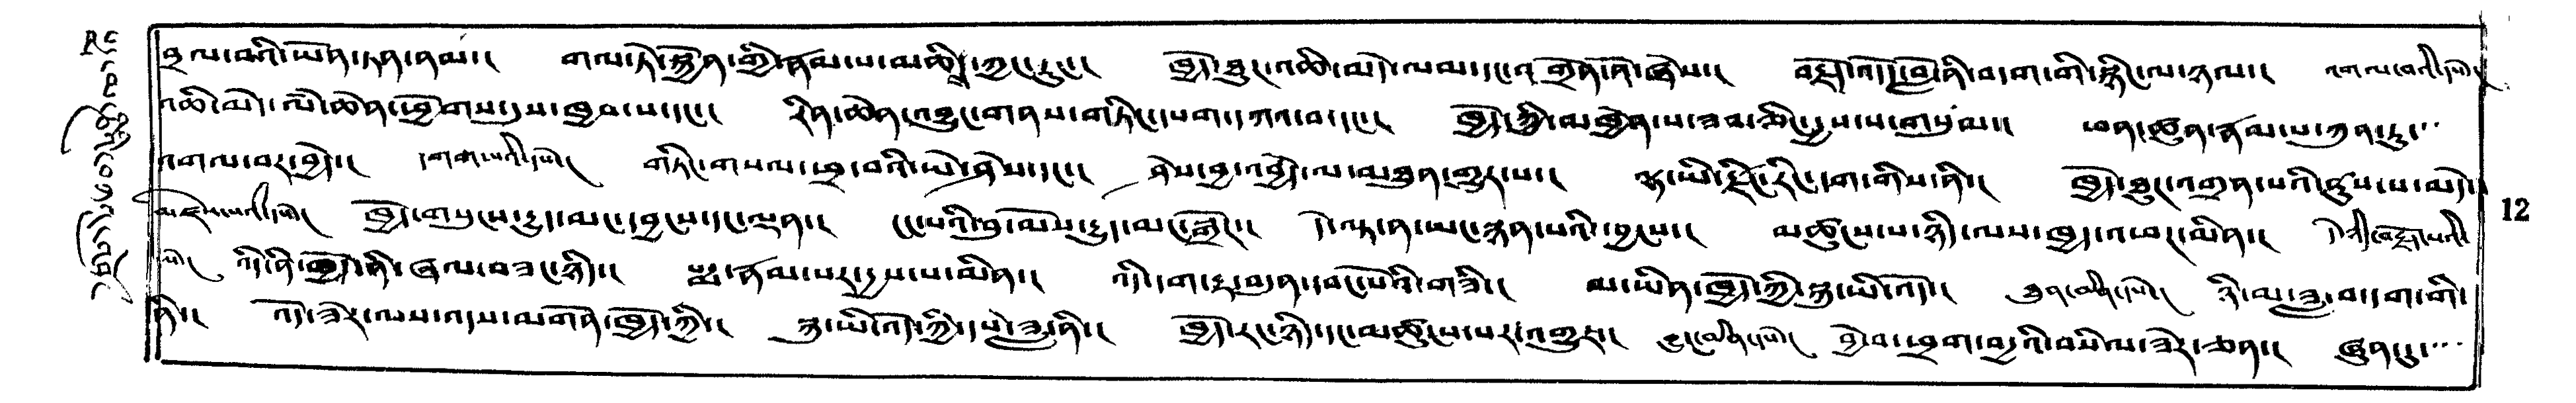བྲལ་བའི་ཡོན་ཏན་ནམ། །གལ་ཏེ་སྐྱོན་གྱི་རྣམ་པ་མཆིས་ཀྱང་རུང་། །ཁྱོད་ཐུགས་འཆི་མེད་ལམ་དང་འགྲན་ནོ་ཞེས། །བརྗོད་འདོད་བློ་ནི་བདག་གི་སྙིང་ལ་ཉལ། ། འགལ་བའི་དཔེ། 
འཆི་མེད་ལམ་ཆེན་ཕྱོགས་དུས་ཁྱབ་པ་དང་། །རིན་ཆེན་འབྱུང་གནས་གཏིང་དཔག་དཀའ་བ་དང་། །ཁྱོད་ཀྱི་མཁྱེན་པ་ཟབ་ཅིང་རྒྱས་པ་གསུམ། །ཕན་ཚུན་རྣམ་པ་ཀུན་ཏུ་
འགལ་བར་བྱེད། ། དགག་པའི་དཔེ། གཏིང་གསལ་ཕྲ་བའི་ཡེ་ཤེས་དང་། །ཤེས་བྱ་འབྱེད་ལ་མཐུན་གྱུར་པ། །ལྷ་ཡི་རྫིང་རིང་དག་གིས་ནི། །ཁྱོད་ཐུགས་འགྲན་པའི་ནུས་པ་མེད། ། 
མཛེས་པའི་དཔེ། ཁྱོད་གསུངས་རྒྱུད་མང་དབྱངས་དང་ལྡན། །ངང་པའི་བུ་མོས་རྒྱུད་མང་སྒྲོགས། །དེ་ལྟ་ན་ཡང་སྙན་པའི་དབྱངས། །མཚུངས་པ་ཉིད་ལས་ཁྱད་འཕགས་མིན། ། དེ་ཉིད་བརྗོད་པའི་
དཔེ། འདི་ནི་ཁྱོད་ཀྱི་ཞལ་བཟང་ཉིད། །པདྨ་རྣམ་པར་རྒྱས་པ་མིན། །འདི་དག་རྟ་བདུན་དབང་པོའི་གཟི། །མ་ཡིན་ཁྱོད་ཀྱི་སྐུ་ཡི་འོད། །ཐུན་མིན་དཔེ། ཉི་མ་ཟླ་བ་དག་གི་
ནི། །འོད་ཟེར་ལས་འདས་མགོན་ཁྱོད་ཀྱི། །སྐུ་ཡི་འོད་ཀྱི་དཔེ་ཟླ་ནི། །ཁྱོད་རང་ཉིད་དང་མཚུངས་པར་འགྱུར། ། བྱུང་མིན་དཔེ། བྱེ་བ་ཕྲག་བརྒྱའི་བསིལ་ཟེར་ཅན། །ཞུན་དུ་